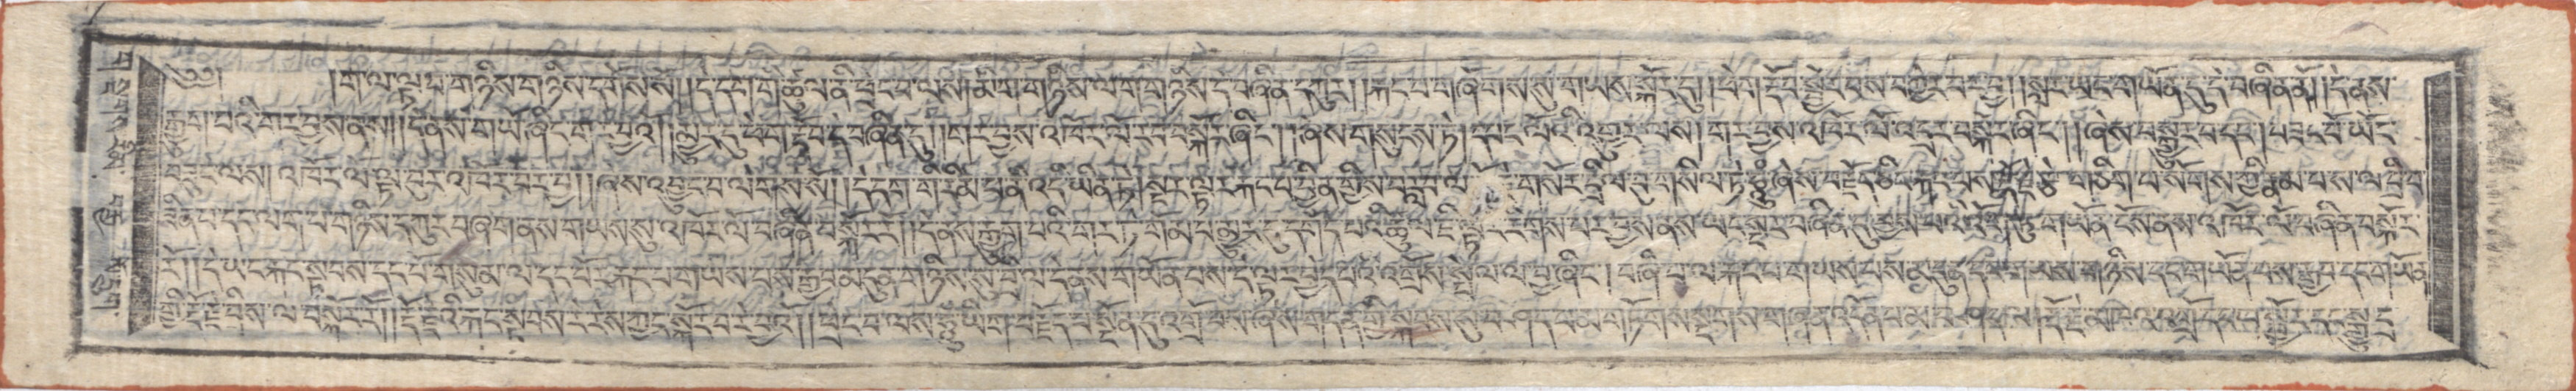༄༅། །ག་ལ་ལྟ་བ་གཉིས་གཉིས་དགོས་སོ། །དེ་དག་གི་ཚུལ་ནི་ཕྲེང་བ་ལས། མིག་གཉིས་ལག་གཉིས་དེ་བཞིན་དཀུར། །རྐང་པ་གཞོགས་སུ་གཡས་སྐོར་དུ། །ཕེག་རྡོབ་སྦྱོར་བས་བཀྱེར་བར་བྱ། །སླར་ཡང་གཡོན་དུ་དེ་བཞིན་ནོ། །དེ་ནས་
རྒྱུག་པའི་གར་བྱས་ནས། །དེ་ནས་གཡོ་ཞིང་གར་བྱའོ། །མྱུར་དུ་ཕེག་རྡོབ་དེ་བཞིན་དུ། །གར་བྱས་འཁོར་ལོ་རབ་བསྐོར་ཞིང་། །ཞེས་གསུངས་ཏེ། དཔང་ལོའི་འགྱུར་ལས། གར་བྱས་འཁོར་ལོ་འདྲར་བསྐོར་ཞིང་། །ཞེས་བསྒྱུར་བ་དང་། བཟང་པོ་ཡོང་
བཟུང་ལས། འཁོར་ལོ་ལྟ་བུར་འཁོར་བར་བྱ། །ཞེས་འབྱུང་བ་ལེགས་སོ། །དེ་དག་གི་རིམ་པ་ནི་འདི་ཡིན་ཏེ། སྔར་ལྟར་རྐང་པ་བྱིན་གྱིས་བརླབ་ལ་རྡོ་རྗེ་གསོར་དྲིལ་བུ་གསིལ་ཏེ་ཧཱུཾ་ཞེས་བརྗོད་ཅིང་རྐང་པས་རྡོ་རྗེ་རྩེ་གཅིག་པ་སོགས་ཀྱི་རྣམ་པ་ས་ལ་བྲི་བ་
ཟིན་པ་དང་ལག་པ་གཉིས་དཀུར་བཞག་ནས་གཡས་སུ་འཁོར་ལོ་བཞིན་བསྐོར་རོ། །དེ་ནས་རྒྱུག་པའི་གར་ཏེ་གོམ་པ་མྱུར་དུ་དགོད་པའི་ཚུལ་ཇི་ལྟར་རིགས་པར་བྱས་ནས་ཡང་སྔར་བཞིན་དུ་བྱས་པའི་འོག་ཏུ་གཡོན་ངོས་ནས་འཁོར་ལོ་བཞིན་བསྐོར་
རོ། །དེ་ཡང་རྐང་སྟབས་དང་པོ་གསུམ་ལ་དང་པོར་རྐང་པ་གཡས་པས་རྒྱབ་མདུན་གཉིས་སུ་བྲི་ལ་དེ་ནས་གཡོན་པས་དེ་ལྟར་བྱེད་པའི་འགྲོས་སྤེལ་ལ་བྱ་ཞིང་། བཞི་པ་ལ་རྐང་པ་གཡས་པས་མདུན་དང་གཡས་གཉིས་དང་གཡོན་པས་རྒྱབ་དང་གཡོན་
གྱི་རྡོ་རྗེ་བྲིས་ལ་བསྐོར་རོ། །རྡོ་རྗེའི་རྐང་སྟབས་རེ་རེས་ཀྱང་སྐོར་བ་རེ་བྱའོ། །ཕྲེང་བ་ལས་ཧཱུཾ་ཡིག་བརྗོད་པ་སྔོན་དུ་འགྲོ་བས་ཞེས་གདན་གྱི་སྐབས་སུ་བཤད་པ་མ་གཏོགས་སྔགས་གཞན་འདོན་པ་མ་བཤད་ལ། རྡོ་རྗེ་མཁའ་འགྲོ་དང་ཁ་སྦྱོར་དང་སྒྱུ་དྲ་